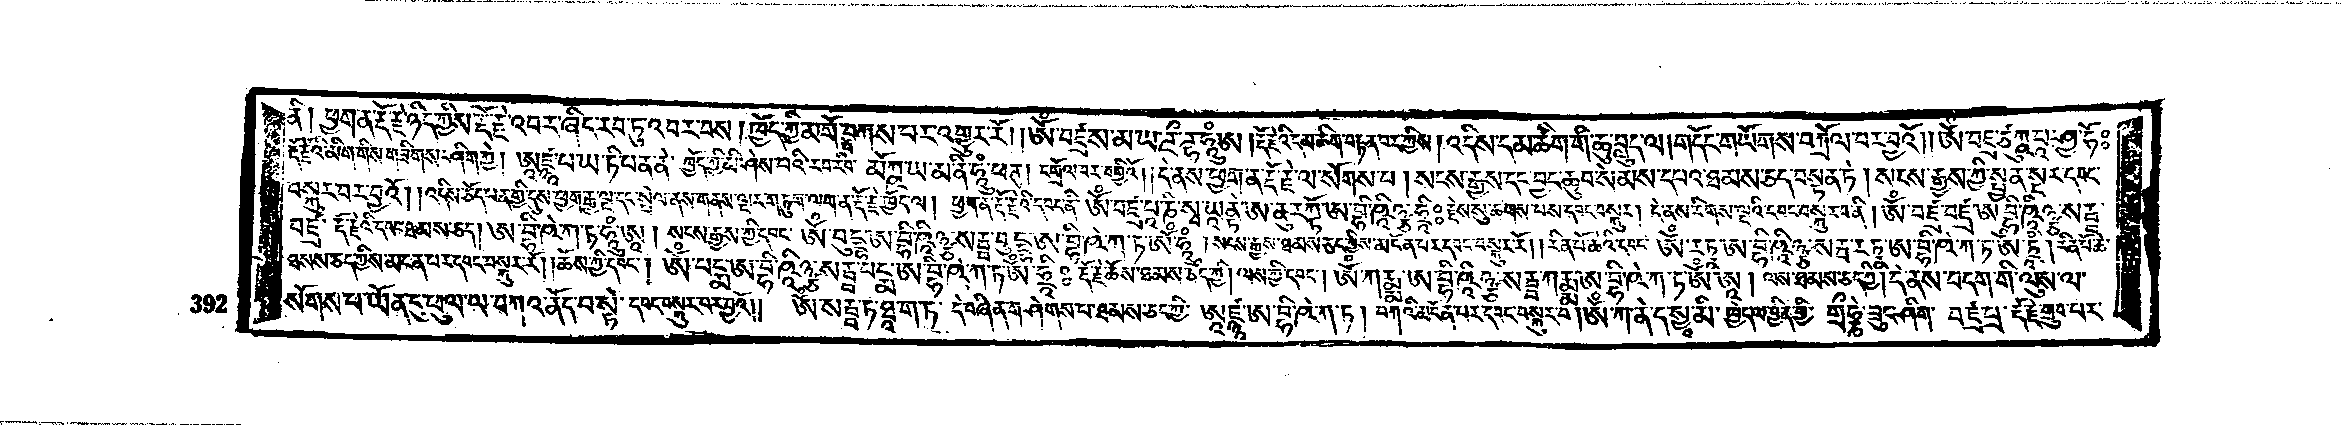ནི། ཕྱག་ན་རྡོ་རྗེ་ཉིད་ཀྱིས་རྡོ་རྗེ་འབར་ཞིང་རབ་ཏུ་འབར་བས། ཁྱོད་ཀྱི་མགོ་བོ་བཀས་པར་འགྱུར་རོ། །ཨོཾ་བཛྲ་ས་མ་ཡ་ཌྲྀ་དྷ་ཧཱུཾ་ཨ། རྡོ་རྗེ་དམ་ཚིག་བརྟན་པར་ཀྱིས།  འདིས་དམ་ཚིག་གི་ཆུ་བླུད་ལ། གདོང་གཡོགས་བཀྲོལ་བར་བྱའོ། །ཨོཾ་བཛྲ་ཚ་ཀྵུ་པཱ་ཤྱ་ཧོཿ
རྡོ་རྗེའི་མིག་གིས་གཟིགས་ཤིག་ཀྱེ། ཨཱ་ཛྙཱ་པ་ཡ་ཏི་པན་ནེ་ཁྱོད་ཀྱི་མི་ཤེས་པའི་རབ་རིབ་མོཀྵ་ཡ་མ་ནི་ཧཱུཾ་ཕཊ། དགྲོལ་བར་བགྱིའོ།  །དེ་ནས་ཕྱག་ན་རྡོ་རྗེ་ལ་སོགས་པ། སངས་རྒྱས་དང་བྱང་ཆུབ་སེམས་དཔའ་ཐམས་ཅད་བསྟན་ཏེ། སངས་རྒྱས་ཀྱི་སྤྱན་སྔར་དབང་
བསྐུར་བར་བྱའོ། ། འདིས་ཅོད་པན་གྱི་དུས་ཕྱག་རྒྱ་ལྔ་དང་སྤེལ་ནས་གནས་ལྔར་གཏུག་ལག་ན་རྡོ་རྗེ་ཁྱོད་ལ། ཕྱག་ན་རྡོ་རྗེའི་དབང་ནི་ཨོཾ་བཛྲ་པཱ་ཎི་སྭ་ཡཱནྟེ་ཨ་ནུ་རཀྟོ་ཨ་བྷི་ཥཱིཉྩ་ཧྲཱིཿ རྗེས་སུ་ཆགས་པས་དབང་བསྐུར། དེ་ནས་རིགས་ལྔའི་དབང་བསྐུར་བ་ནི།  ཨོཾ་བཛྲ་བཛྲ་ཨ་བྷི་ཥཱིཉྩ་སརྦྦ་
བཛྲ་རྡོ་རྗེའི་དབང་ཐམས་ཅད།  ཨ་བྷི་ཥེ་ཀ་ཏ་ཧཱུཾ་ཨཱ། སངས་རྒྱས་ཀྱི་དབང་ཨོཾ་བུདྡྷ་ཨ་བྷི་ཥཱིཉྩ་སརྦྦ་བུདྡྷ་ཨ་བྷི་ཥེ་ཀ་ཏ་ཨོཾ་ཧཱུཾ་སངས་རྒྱས་ཐམས་ཅད་ཀྱིས་མངོན་པར་དབང་བསྐུར་རོ། །རིན་པོ་ཆེའི་དབང་ཨོཾ་རཏྣ་ཨ་བྷི་ཥཱི་ཉྩ་སརྦ་རཏྣ་ཨ་བྷི་ཥེ་ཀ་ཏ་ཨོཾ་ཏྲཱཾ། རིན་པོ་ཆེ་
ཐམས་ཅད་ཀྱིས་མངོན་པར་དབང་བསྐུར་རོ། །ཆོས་ཀྱི་དབང་། ཨོཾ་པདམ་ཨ་བྷི་ཥཱིཉྩ་སརྦྦ་པདམ་ཨ་བྷི་ཥེ་ཀ་ཏ་ཨོཾ་ཧྲཱིཿ རྡོ་རྗེ་ཆོས་ཐམས་ཅད་ཀྱི། ལས་ཀྱི་དབང་།  ཨོཾ་ཀརྨྨ་ཨ་བྷི་ཥཱིཉྩ་སརྦྦ་ཀརྨྨ་བྷི་ཥེ་ཀ་ཏ་ཨོཾ་ཨཱ། ལས་ཐམས་ཅད་ཀྱི།  དེ་ནས་བདག་གི་ལུས་ལ་
སོགས་པ་ཡོན་དུ་ཕུལ་ལ་བཀའ་ནོད་པ་སྟེ་དབང་བསྐུར་བར་བྱའོ། །  ཨོཾ་སརྦྦ་ཏ་ཐཱ་ག་ཏ་དེ་བཞིན་གཤེགས་པ་ཐམས་ཅད་ཀྱི་ཨཱ་ཛྙཱ་ཨ་བྷི་ཥེ་ཀ་ཏ། བཀའི་མངོན་པར་དབང་བསྐུར་བ།  ཨོཾ་ཀ་ནེ་ད་སྱཱ་མི་ཁྱེད་ལ་བྱིན་གྱི་གྲྀཧྞེ་ཟུང་ཤིག་བཛྲ་པྲ་རྡོ་རྗེ་གྲུབ་པར་